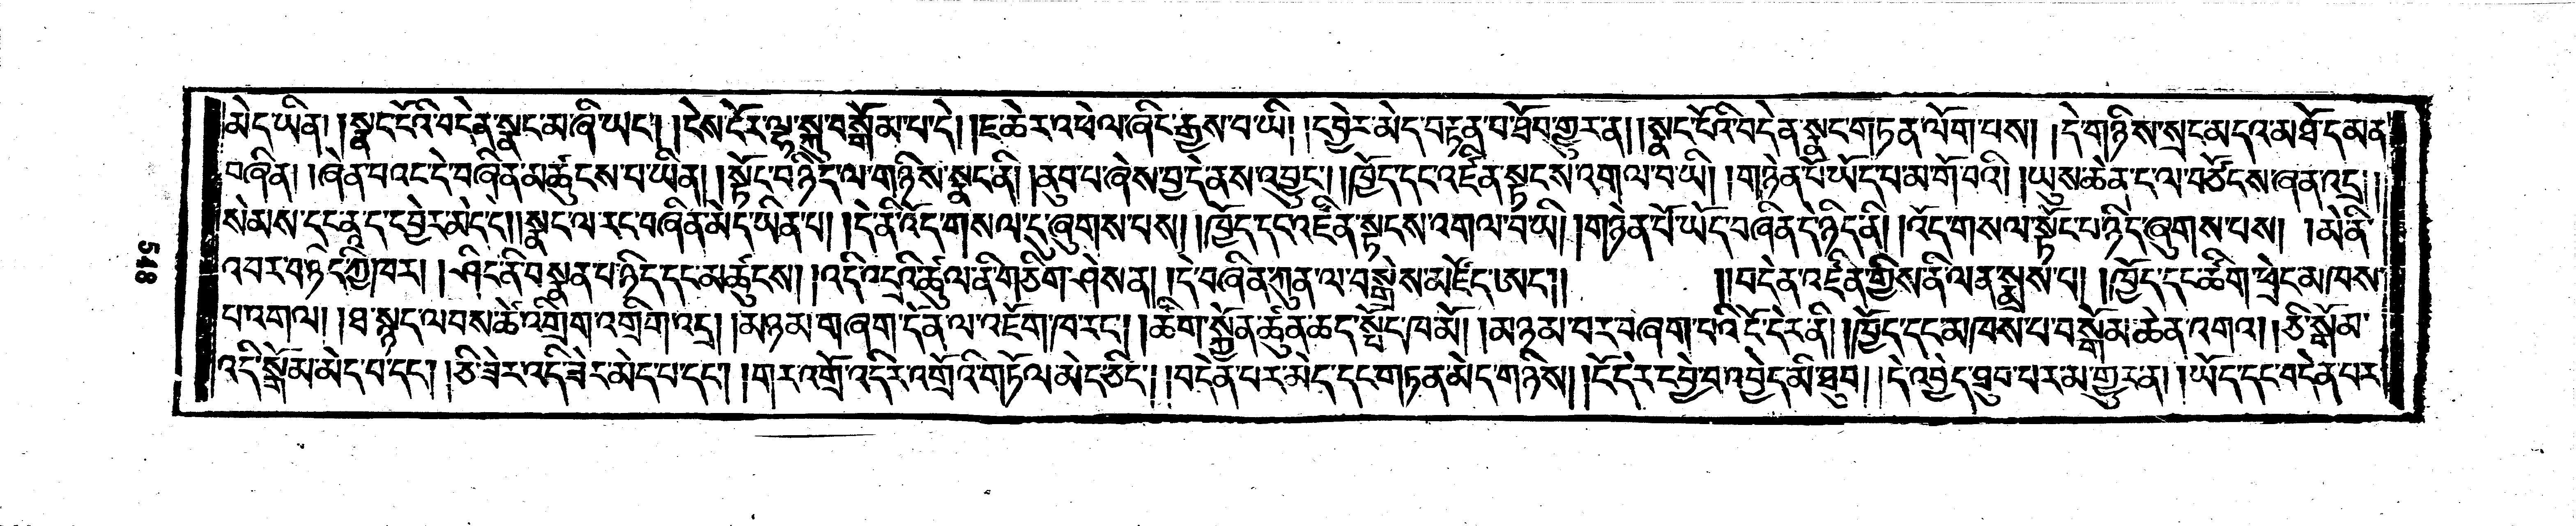མེད་ཡིན། །སྣང་ངོའི་བདེན་སྣང་མ་ཞི་ཡང་། །ངེས་ངོར་ལྷ་སྐུ་བསྒོམ་པ་དེ། །ཇ་ཆེར་འཕེལ་ཞིང་རྒྱས་པ་ཡི། །དབྱེར་མེད་བརྟན་པ་ཐོབ་གྱུར་ན། །སྣང་ངོའི་བདེན་སྣང་གཏན་ལོག་པས། །དེ་གཉིས་སྲང་མདའ་མཐོ་དམན་
བཞིན། །ཞེན་པའང་དེ་བཞིན་མཚུངས་པ་ཡིན། །སྟོང་པ་ཉིད་ལ་གཉིས་སྣང་ནི། །ནུབ་པ་ཞེས་བྱ་དེ་ནས་འབྱུང་། །ཁྱོད་དང་འཛིན་སྟངས་འགལ་བ་ཡི། །གཉེན་པོ་ཡོད་པ་མགོ་བའི། །ཡུས་ཆེན་ང་ལ་བཙོངས་ཞེན་འདྲ།།
སེམས་དང་ནཱ་ད་དབྱེར་མེད་དེ། །སྣང་ལ་རང་བཞིན་མེད་ཡིན་པ། །དེ་ནི་འོད་གསལ་དུ་ཞུགས་པས། །ཁྱོད་དང་འཛིན་སྟངས་འགལ་བ་ཡི། །གཉེན་པོ་ཡོད་བཞིན་དེ་ཉིད་ནི། །འོད་གསལ་སྟོང་པ་ཉིད་ཞུགས་པས། མེ་ནི་
འབར་བ་ཉིད་ཀྱི་ཁར། །ཤིང་ནི་བསྣན་པ་ཉིད་དང་མཚུངས། །འདི་འདྲའི་ཚུལ་ནི་གཅིག་ཤེས་ན། །དེ་བཞིན་ཀུན་ལ་བསྒྲེས་མཛོད་ཨང།། །།བདེན་འཛིན་གྱིས་ནི་ལན་སྨྲས་པ། །ཁྱོད་དང་ཚིག་ཕྲེང་མཁས་
པ་འགལ། །ཐ་སྙད་ལབས་ཚེ་འགྲིག་འགྲིག་འདྲ། །མཉམ་གཞག་དོན་ལ་འཇོག་ཁ་རང་། །ཚིག་སྐྱོན་ཚུན་ཆད་སྤང་ཁ་མོ། །མཉམ་པར་བཞག་པའི་ངོ་དེར་ནི། །ཁྱོད་དང་མཁས་པ་བསྒོམ་ཆེན་འགའ། །ཅི་སྒོམ་
འདི་སྒོམ་མེད་པ་དང་། །ཅི་ཟེར་འདི་ཟེར་མེད་པ་དང་། །གར་འགྲོ་འདིའི་འགྲོའི་གཏོལ་མེད་ཅིང་། །བདེན་པར་མེད་དང་གཏན་མེད་གཉིས། །ངོ་དེར་དབྱེ་བ་འབྱེད་མི་ཐུབ། །དེ་འབྱེད་ཐུབ་པར་མ་གྱུར་ན། །ཡོད་དང་བདེན་པར་